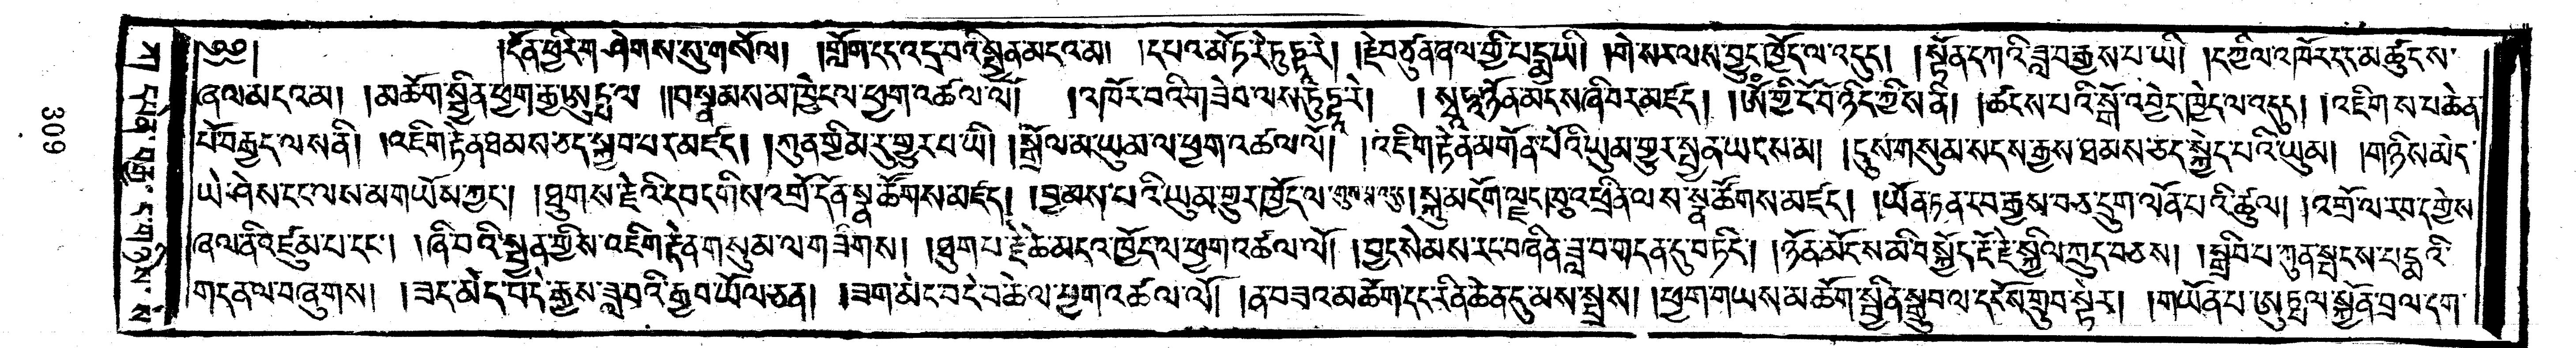༄༅། །དོན་ཕྱིར་གཤེགས་སུ་གསོལ། །གློག་དད་འདྲ་བའི་སྤྱན་མངའ་མ། །དཔའ་མོ་ཏ་རེ་ཏུཏྟཱ་རེ། །རྗེ་བཙུན་ཞལ་གྱི་པདམ་ཡི། །གེ་སར་ལས་བྱུང་ཁྱོད་ལ་འདུད། །སྟོན་དཀའི་ཟླ་བ་རྒྱས་པ་ཡི། །དཀྱིལ་འཁོར་དང་མཚུངས་
ཞལ་མངའ་མ། །མཆོག་སྦྱིན་ཕྱག་རྒྱ་ཨུཏྤལ་།།བསྣམས་མ་ཁྱེད་ལ་ཕྱག་འཚལ་ལོ། །འཁོར་བའི་གཟེབ་ལས་ཏུཏྟཱ་རེ། །སྭཱ་ཏཱ་ཉོན་མོངས་ཞི་བར་མཛད། །ཨོཾ་གྱི་ངོ་བོ་ཉིད་ཀྱིས་ནི། །ཚངས་པའི་སྒོ་འབྱེད་ཁྱེད་ལ་འདུད། །འཇིགས་པ་ཆེན་
པོ་བརྒྱད་ལས་ནི། །འཇིག་རྟེན་ཐམས་ཅད་སྐྱབ་པར་མཛད། །ཀུན་གྱི་མ་རུ་གྱུར་པ་ཡི། །སྒྲོལ་མ་ཡུམ་ལ་ཕྱག་འཚལ་ལོ། །འཇིག་རྟེན་མགོན་པོའི་ཡུམ་གྱུར་སྤྱན་ཡངས་མ། །དུས་གསུམ་སངས་རྒྱས་ཐམས་ཅད་སྐྱེད་པའི་ཡུམ། །གཉིས་མེད་
ཡེ་ཤེས་ངང་ལས་མ་གཡོས་ཀྱང་། །ཐུགས་རྗེའི་དབང་གིས་འགྲོ་དོན་སྣ་ཚོགས་མཛད། །བྱམས་པའི་ཡུམ་གྱུར་ཁྱོད་ལ་གུས་པས་འདུད། སྐུ་མདོག་ལྗང་ཁུ་འཕྲིན་ལས་སྣ་ཚོགས་མཛད། །ཡོན་ཏན་རབ་རྒྱས་བཅུ་དྲུག་ལོན་པའི་ཚུལ། །འགྲོ་ལ་རབ་དགྱེས་
ཞལ་ནི་འཛུམ་པ་དང་། །ཞི་བའི་སྤྱན་གྱིས་འཇིག་རྟེན་གསུམ་ལ་གཟིགས། །ཐུག་པ་རྗེ་ཆེ་མདའ་ཁྱོད་ལ་ཕྱག་འཚལ་ལོ། །བྱང་སེམས་རང་བཞིན་ཟླ་བ་གདན་དུ་བཏིང་། །ཉོན་མོངས་མི་བསྐྱོད་རྡོ་རྗེ་སྐྱིལ་ཀྲུད་བཅས། །སྒྲིབ་པ་ཀུན་སྤངས་པདམའི་
གདན་ལ་བཞུགས། །ཟད་མེད་བདེ་རྒྱས་ཟླ་བའི་རྒྱབ་ཡོལ་ཅན། །ཟག་མེད་བདེ་བ་ཆེ་ལ་ཕྱག་འཚལ་ལོ། །ན་བཟའ་མཆོག་དང་རིན་ཆེན་དུ་མས་སྤྲས། །ཕྱག་གཡས་མཆོག་སྦྱིན་སྒྲུབ་ལ་དངོས་གྲུབ་སྟེར། །གཡོན་པ་ཨུཏྤལ་སྐྱོན་བྲལ་དག་